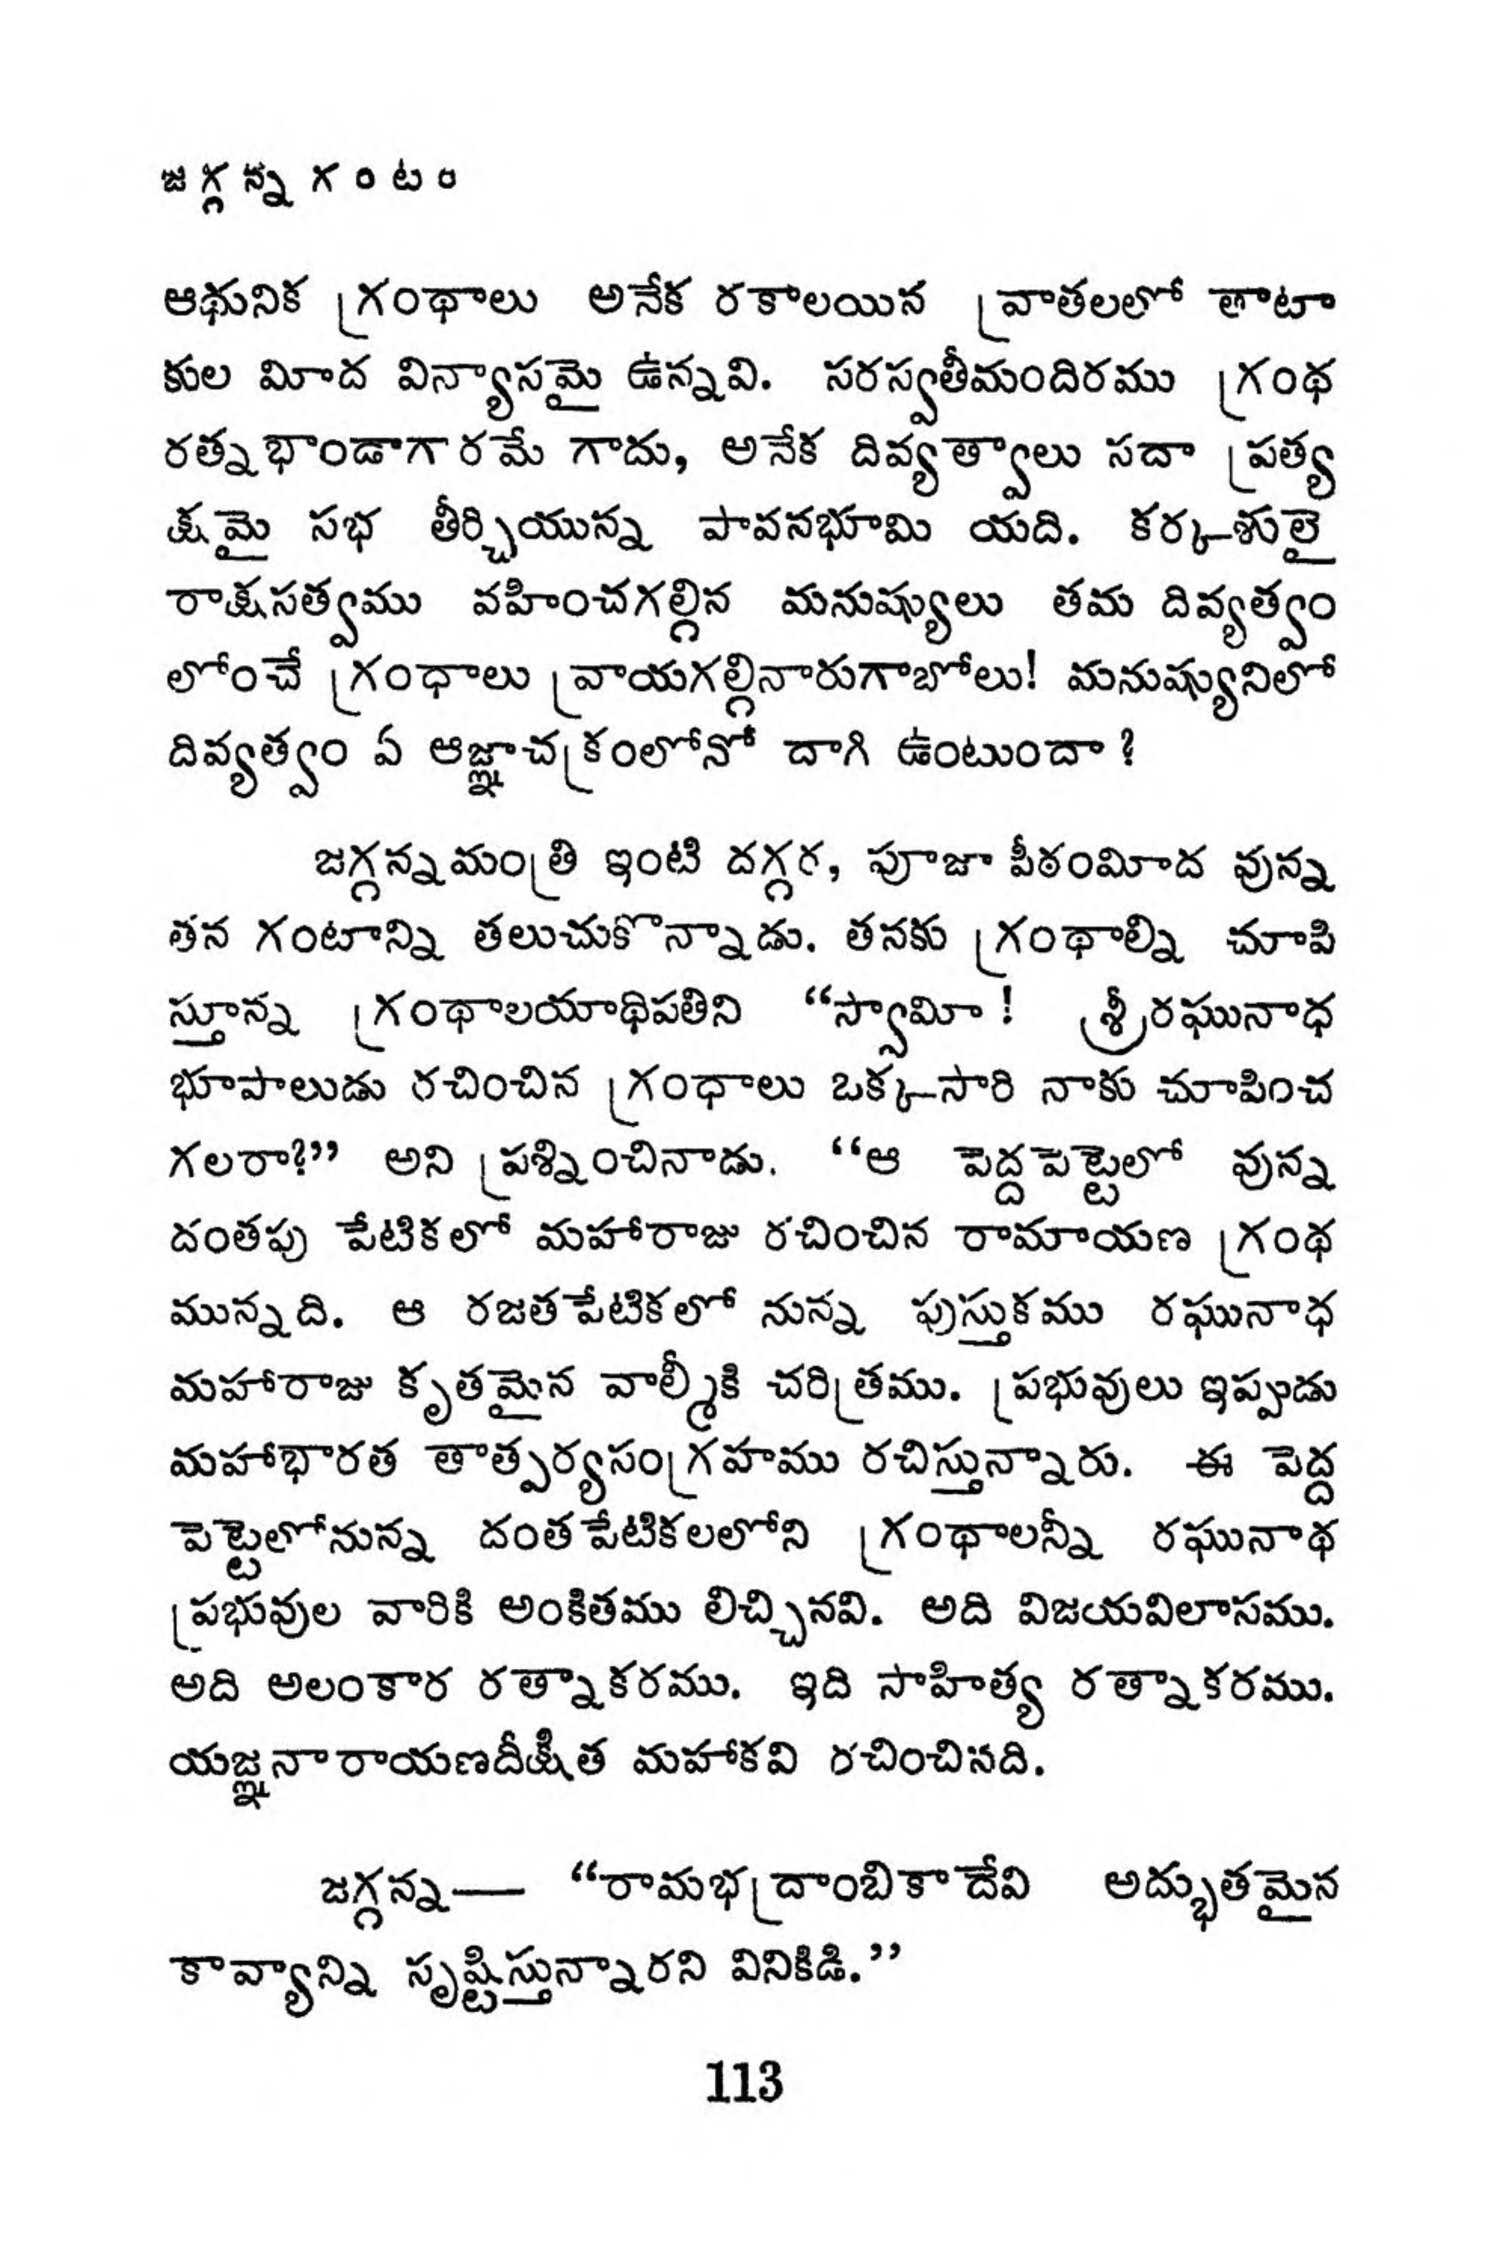ఆథునిక గ్రంథాలు అనేక రకాలయిన వ్రాతలలో తాటాకుల మీద విన్యాసమై ఉన్నవి. సరస్వతీమందిరము గ్రంథరత్న భాండాగారమే గాదు, అనేక దివ్యత్వాలు సదా ప్రత్యక్షమై సభ తీర్చియున్న పావనభూమి యది. కర్కశులై రాక్షసత్వము వహించగల్గిన మనుష్యులు తమ దివ్యత్వం లోంచే గ్రంధాలు వ్రాయగల్గినారుగాబోలు! మనుష్యునిలో దివ్యత్వం ఏ ఆజ్ఞాచక్రంలోనో దాగి ఉంటుందా ?

జగ్గన్నమంత్రి ఇంటి దగ్గర, పూజా పీఠంమీద వున్న తన గంటాన్ని తలుచుకొన్నాడు. తనకు గ్రంథాల్ని చూపిస్తూన్న గ్రంథాలయాథిపతిని "స్వామీ ! శ్రీరఘునాధ భూపాలుడు రచించిన గ్రంథాలు ఒక్కసారి నాకు చూపించగలరా?" అని ప్రశ్నించినాడు. "ఆ పెద్దపెట్టెలో వున్న దంతపు పేటికలో మహారాజు రచించిన రామాయణ గ్రంథమున్నది. ఆ రజతపేటికలో నున్న పుస్తుకము రఘునాధ మహారాజు కృతమైన వాల్మీకి చరిత్రము. ప్రభువులు ఇప్పుడు మహాభారత తాత్పర్యసంగ్రహము రచిస్తున్నారు. ఈ పెద్ద పెట్టెలోనున్న దంతపేటికలలోని గ్రంథాలన్నీ రఘునాథ ప్రభువుల వారికి అంకితము లిచ్చినవి. అది విజయవిలాసము. అది అలంకార రత్నాకరము. ఇది సాహిత్య రత్నాకరము. యజ్ఞనారాయణదీక్షిత మహాకవి రచించినది."

జగ్గన్న -- "రామభద్రాంబికాదేవి అద్భుతమైన కావ్యాన్ని సృష్టిస్తున్నారని వినికిడి."